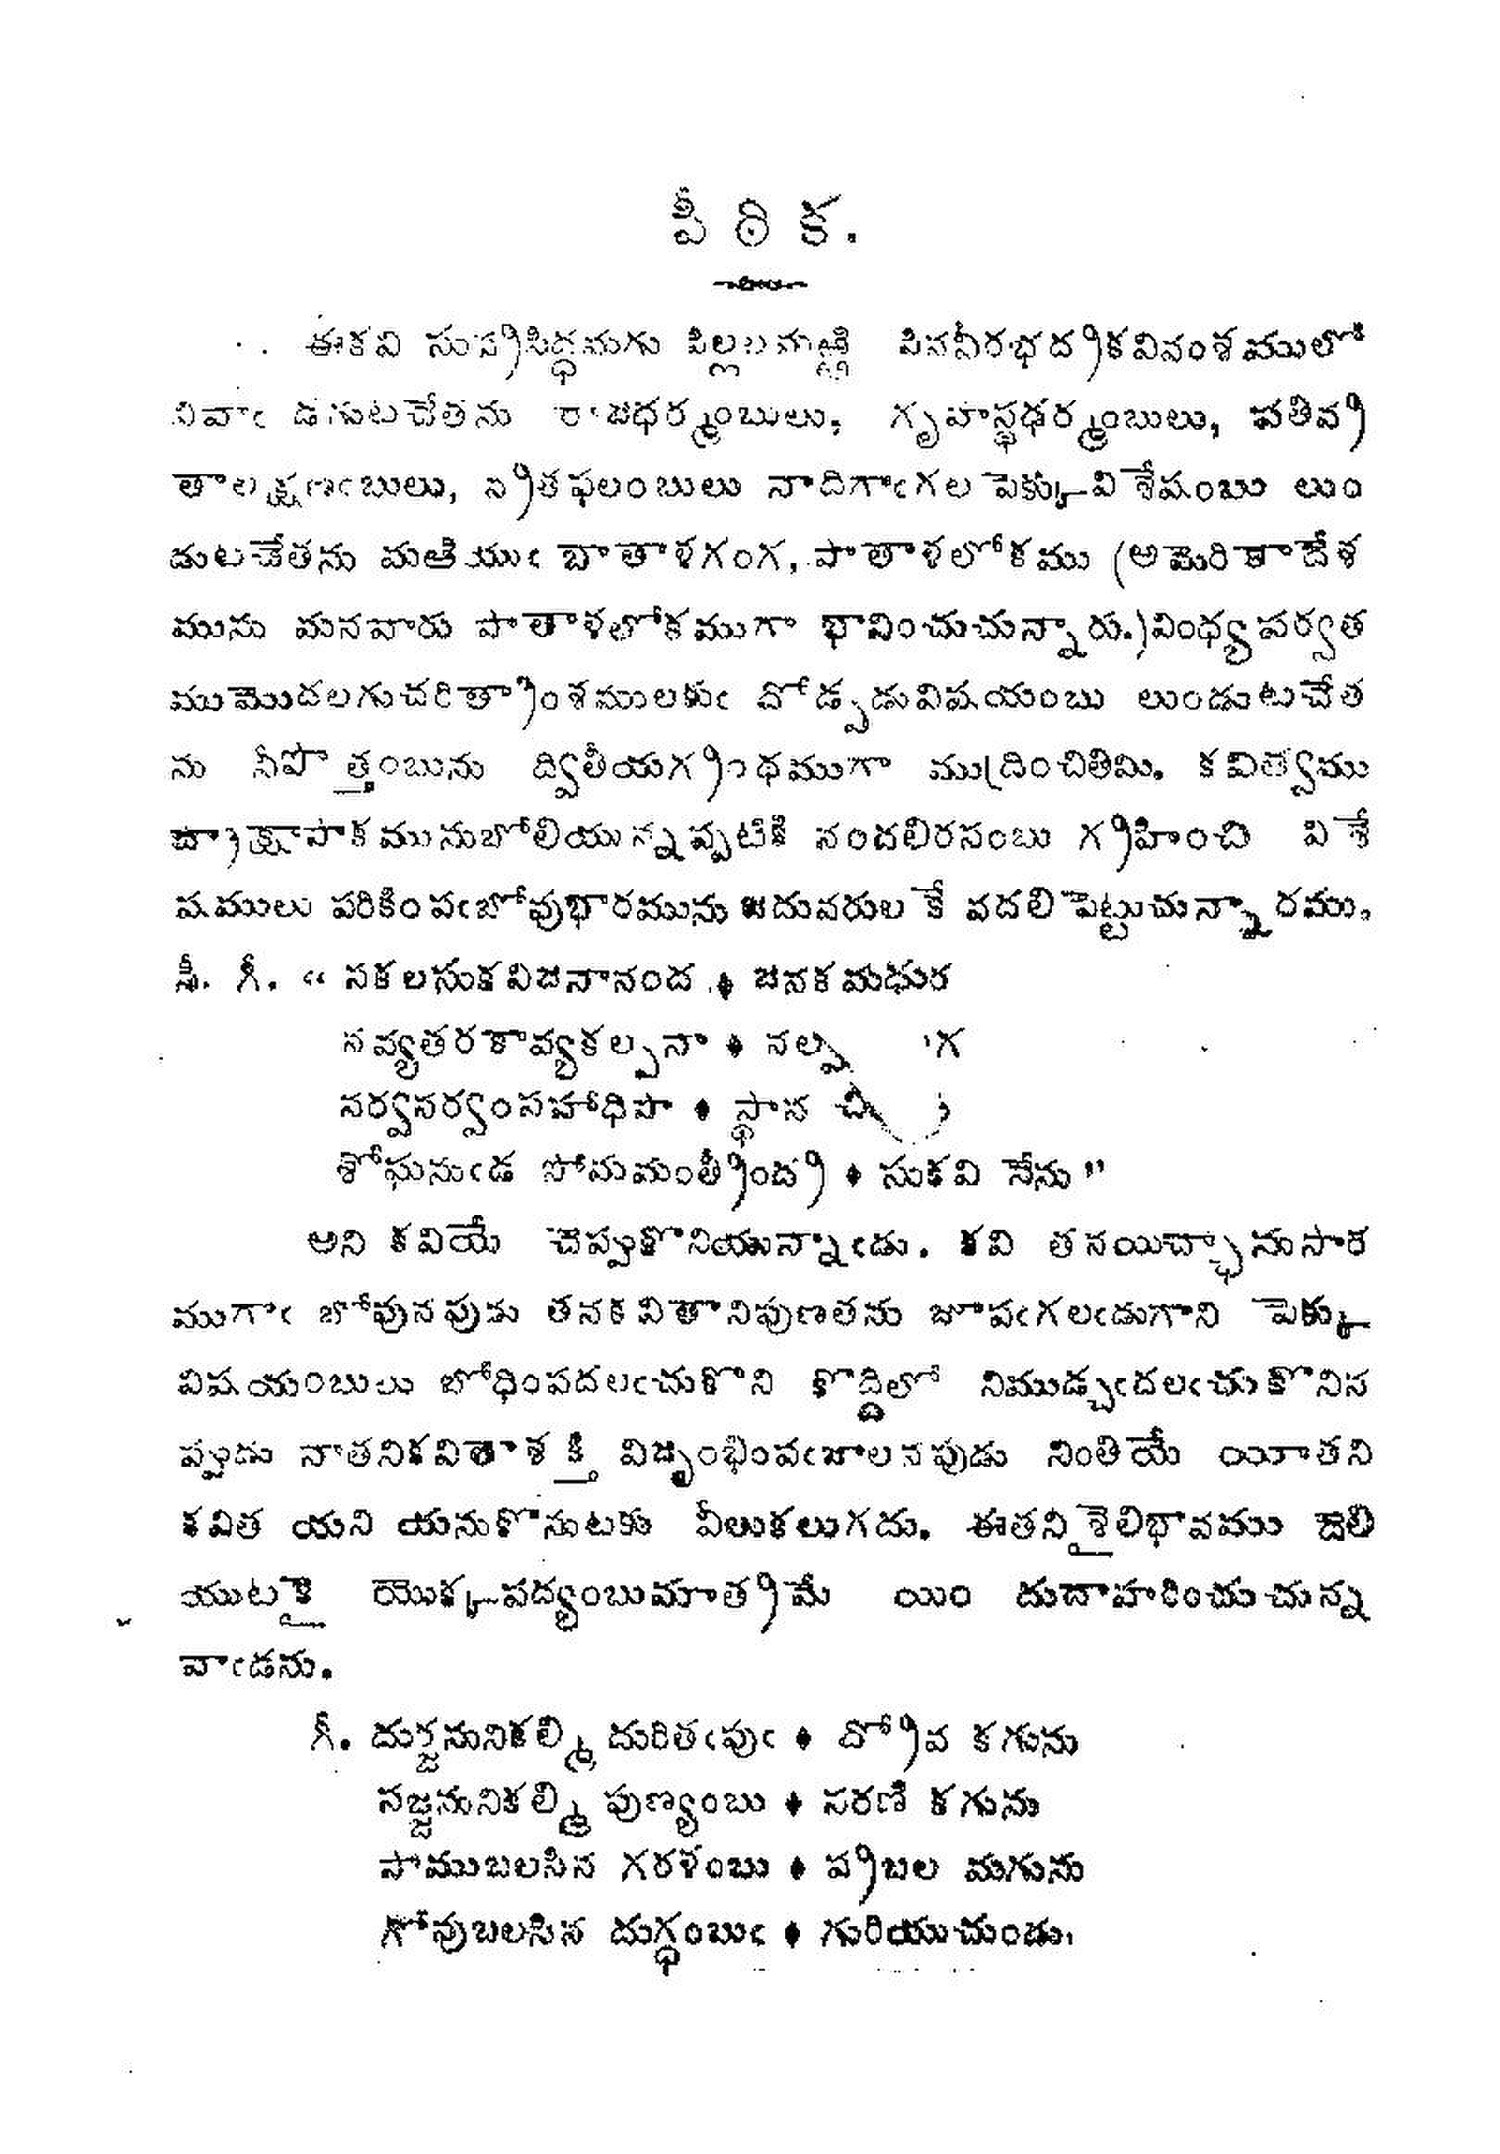పీఠిక
ఈకవి సుప్రసిద్ధమగు పిల్లలమఱ్ఱి పినవీరభద్రకవివంశములోనివాఁ డగుటచేతను రాజధర్మంబులు, గృహస్థధర్మంబులు, పతివ్రతాలక్షణంబులు, వ్రతఫలంబులు నాదిగాఁగల పెక్కువిశేషంబు లుండుటచేతను మఱియుఁ బాతాళగంగ, పాతాళలోకము (అమెరికాదేశమును మనవారు పాతాళలోకముగా భావించుచున్నారు.) వింధ్యపర్వతము మొదలగు చరితాంశములకుఁ దోడ్పడు విషయంబు లుండుటచేతను నీపొత్తంబును ద్వితీయగ్రంథముగా ముద్రించితిమి. కవిత్వము ద్రాక్షాపాకమును బోలియున్నప్పటికి నందలిరసంబు గ్రహించి విశేషములు పరికింపఁబోవుభారమును జదువరులకే వదలి పెట్టుచున్నారము,
 
అని కవియే చెప్పుకొనియున్నాఁడు. కవి తనయిచ్ఛానుసారముగాఁ బోవునపుడు తనకవితానిపుణతను జూపఁగలఁడుగాని పెక్కువిషయంబులు బోధింపదలఁచుకొని కొద్దిలో నిముడ్చఁదలఁచుకొనిసప్పుడు నాతనికవితాశక్తి విజృంభింపఁజాలనపుడు నింతియే యీతనికవిత యని యనుకొనుటకు వీలుకలుగదు. ఈతని శైలిభావము దెలియుటకై యొక్కపద్యంబుమాత్రమే యిం దుదాహరించుచున్నవాడను.